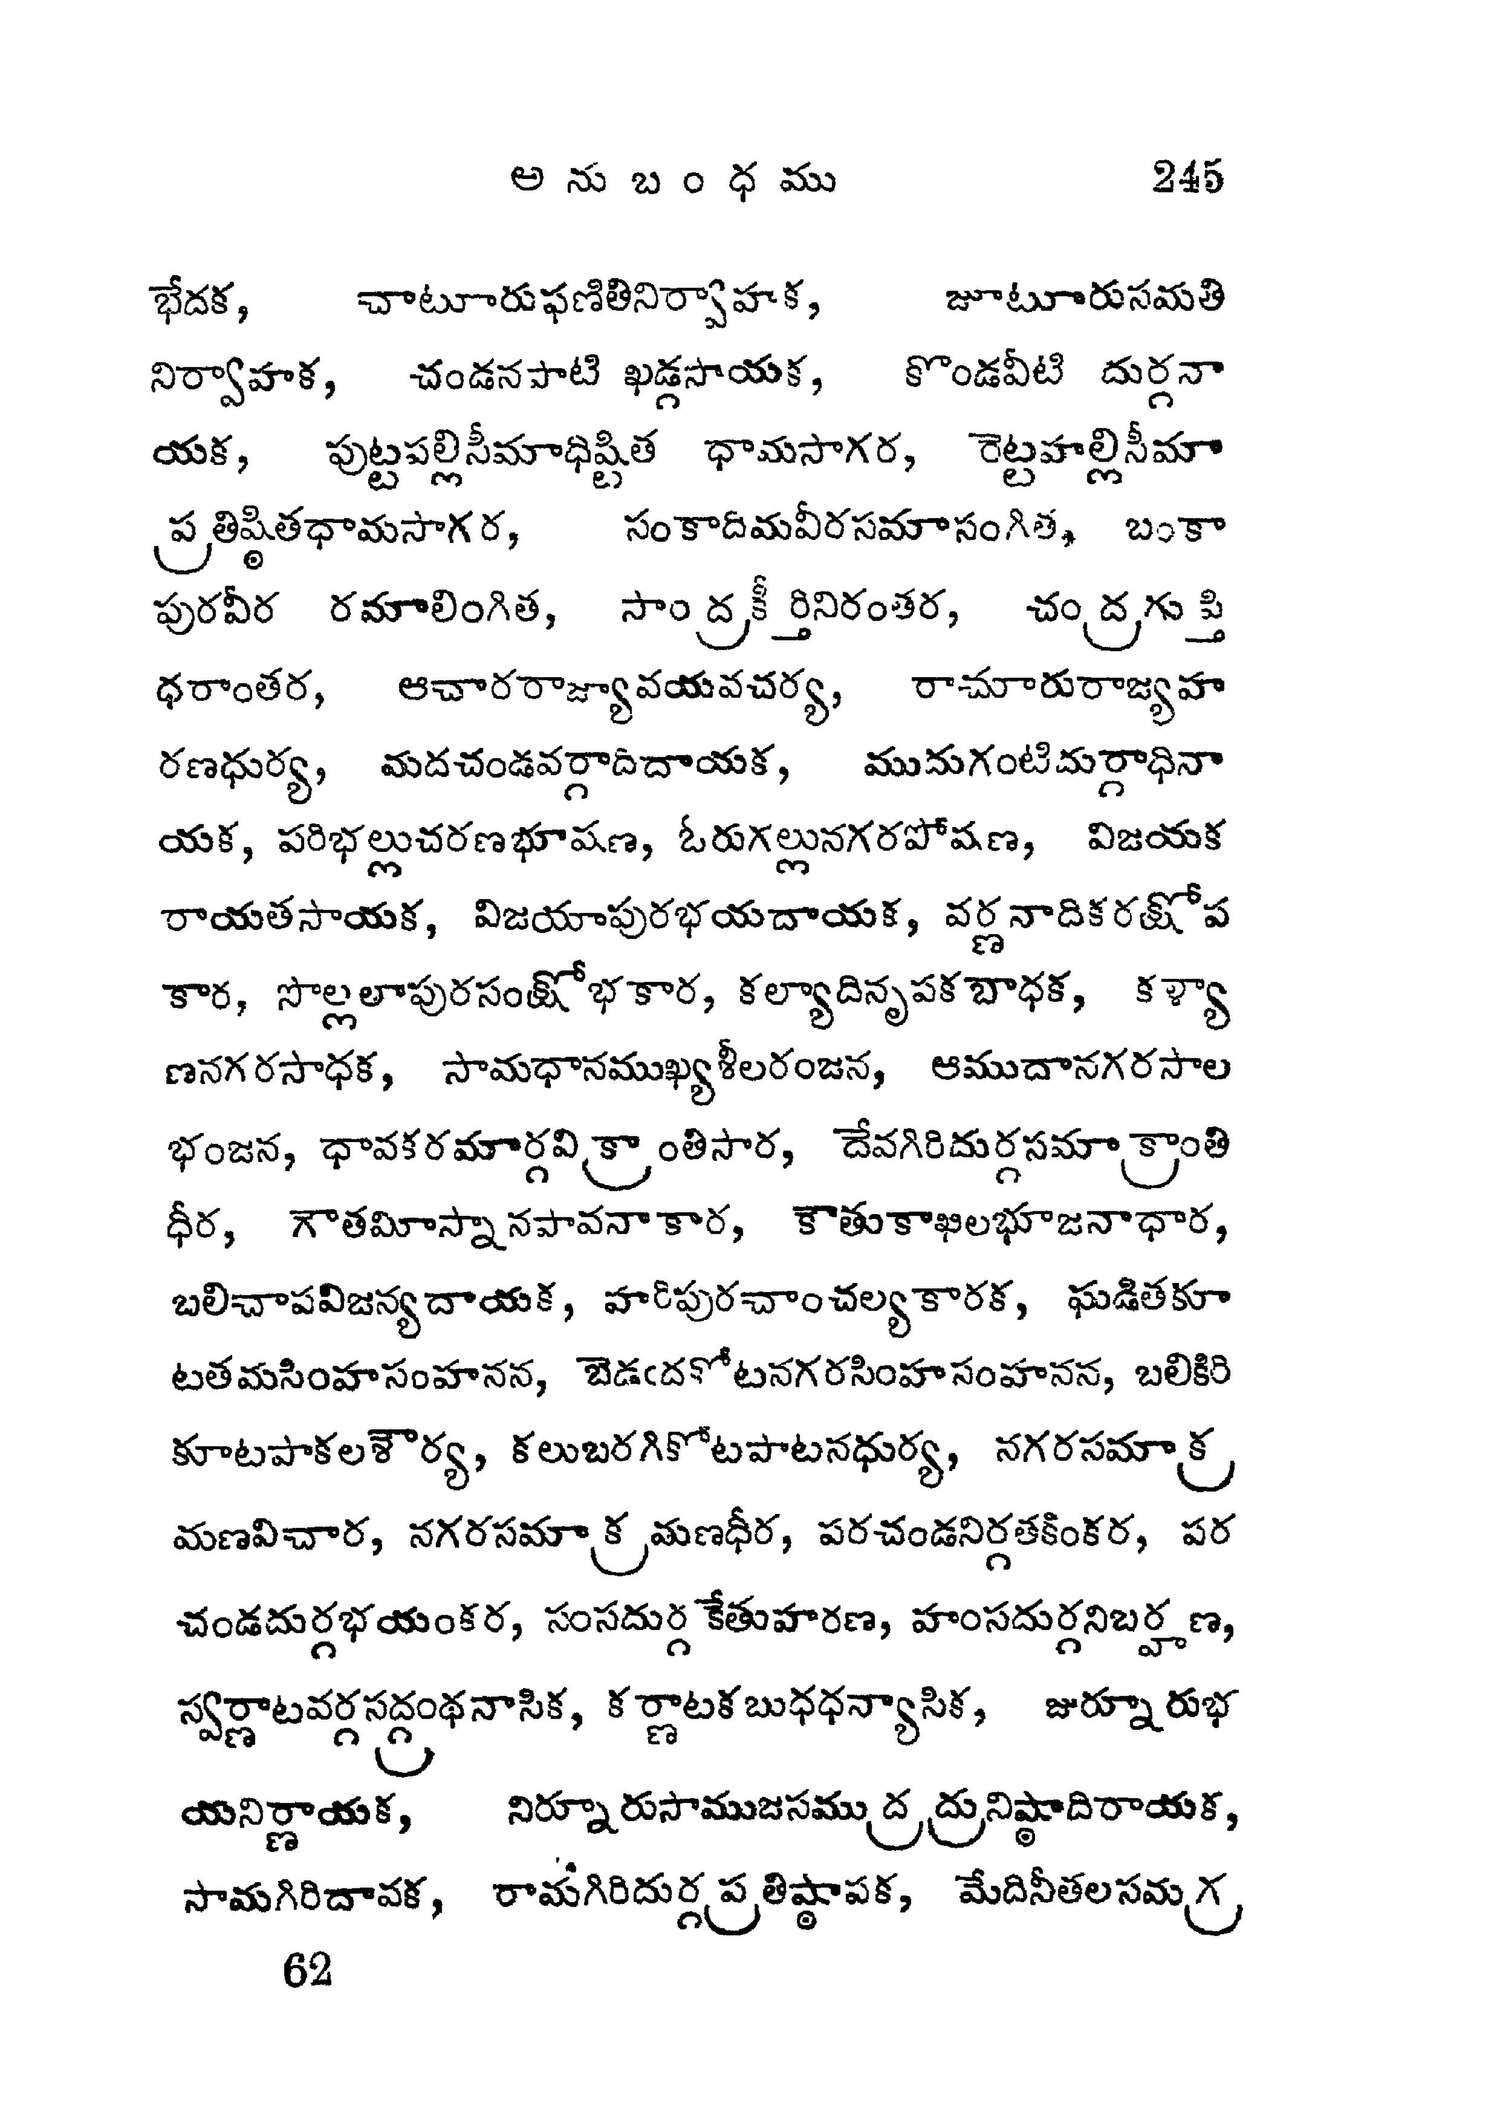భేదక, చాటూరుఫణితినిర్వాహక, జూటూరుసమతినిర్వాహక, చండనపాటి ఖడ్గసాయక, కొండవీటి దుర్గనాయక, పుట్టపల్లిసీమాధిష్టిత ధామసాగర, రెట్టహల్లిసీమాప్రతిష్ఠితధామసాగర, సంకాదిమవీర సమాసంగిత, బంకాపురవీర రమాలింగిత, సాంద్రకీర్తినిరంతర, చంద్రగుప్తిధరాంతర, ఆచారరాజ్యా వయవచర్య, రాచూరురాజ్యహరణధుర్య, మదచండవర్గాదిదాయక, ముదుగంటిదుర్గాధినాయక, పరిభల్లుచరణభూషణ, ఓరుగల్లునగరపోషణ, విజయకరాయతసాయక, విజయాపురభయదాయక, వర్ణనాదికరక్షోపకార, సొల్లలాపురసంక్షోభకార, కల్యాదినృపకబాధక, కళ్యాణనగరసాధక, సామదానముఖ్య శీలరంజన, ఆముదానగరసాలభంజన, ధావకరమార్గవిక్రాంతిసార, దేవగిరిదుర్గసమాక్రాంతి ధీర, గౌతమీస్నానపావనాకార, కౌతుకాఖిలభూజనాధార, బలిచాపవిజన్యదాయక, హరిపురచాంచల్యకారక, ఘడితకూటతమసింహసంహనన, బెడదకోటనగరసింహసంహనన, బలికిరికూటపాకలశౌర్య, కలుబరగికోటపాటనధుర్య, నగరసమాక్రమణవిచార, నగరసమాక్రమణధీర, వరచండనిర్గతకింకర, పరచండదుర్గభయంకర, సంసదుర్గకేతుహరణ, హంసదుర్గనిబర్హణ, స్వర్ణాటవర్గ సద్గ్రంథనాసిక, కర్ణాటకబుధధన్యాసిక, జుర్నూరుభయనిర్ణాయక, నిర్నూరుసాముజసముద్రద్రునిష్ఠాదిరాయక, సామగిరిదావక, రామగిరిదుర్గప్రతిష్ఠాపక, మేదినీతలసమగ్ర